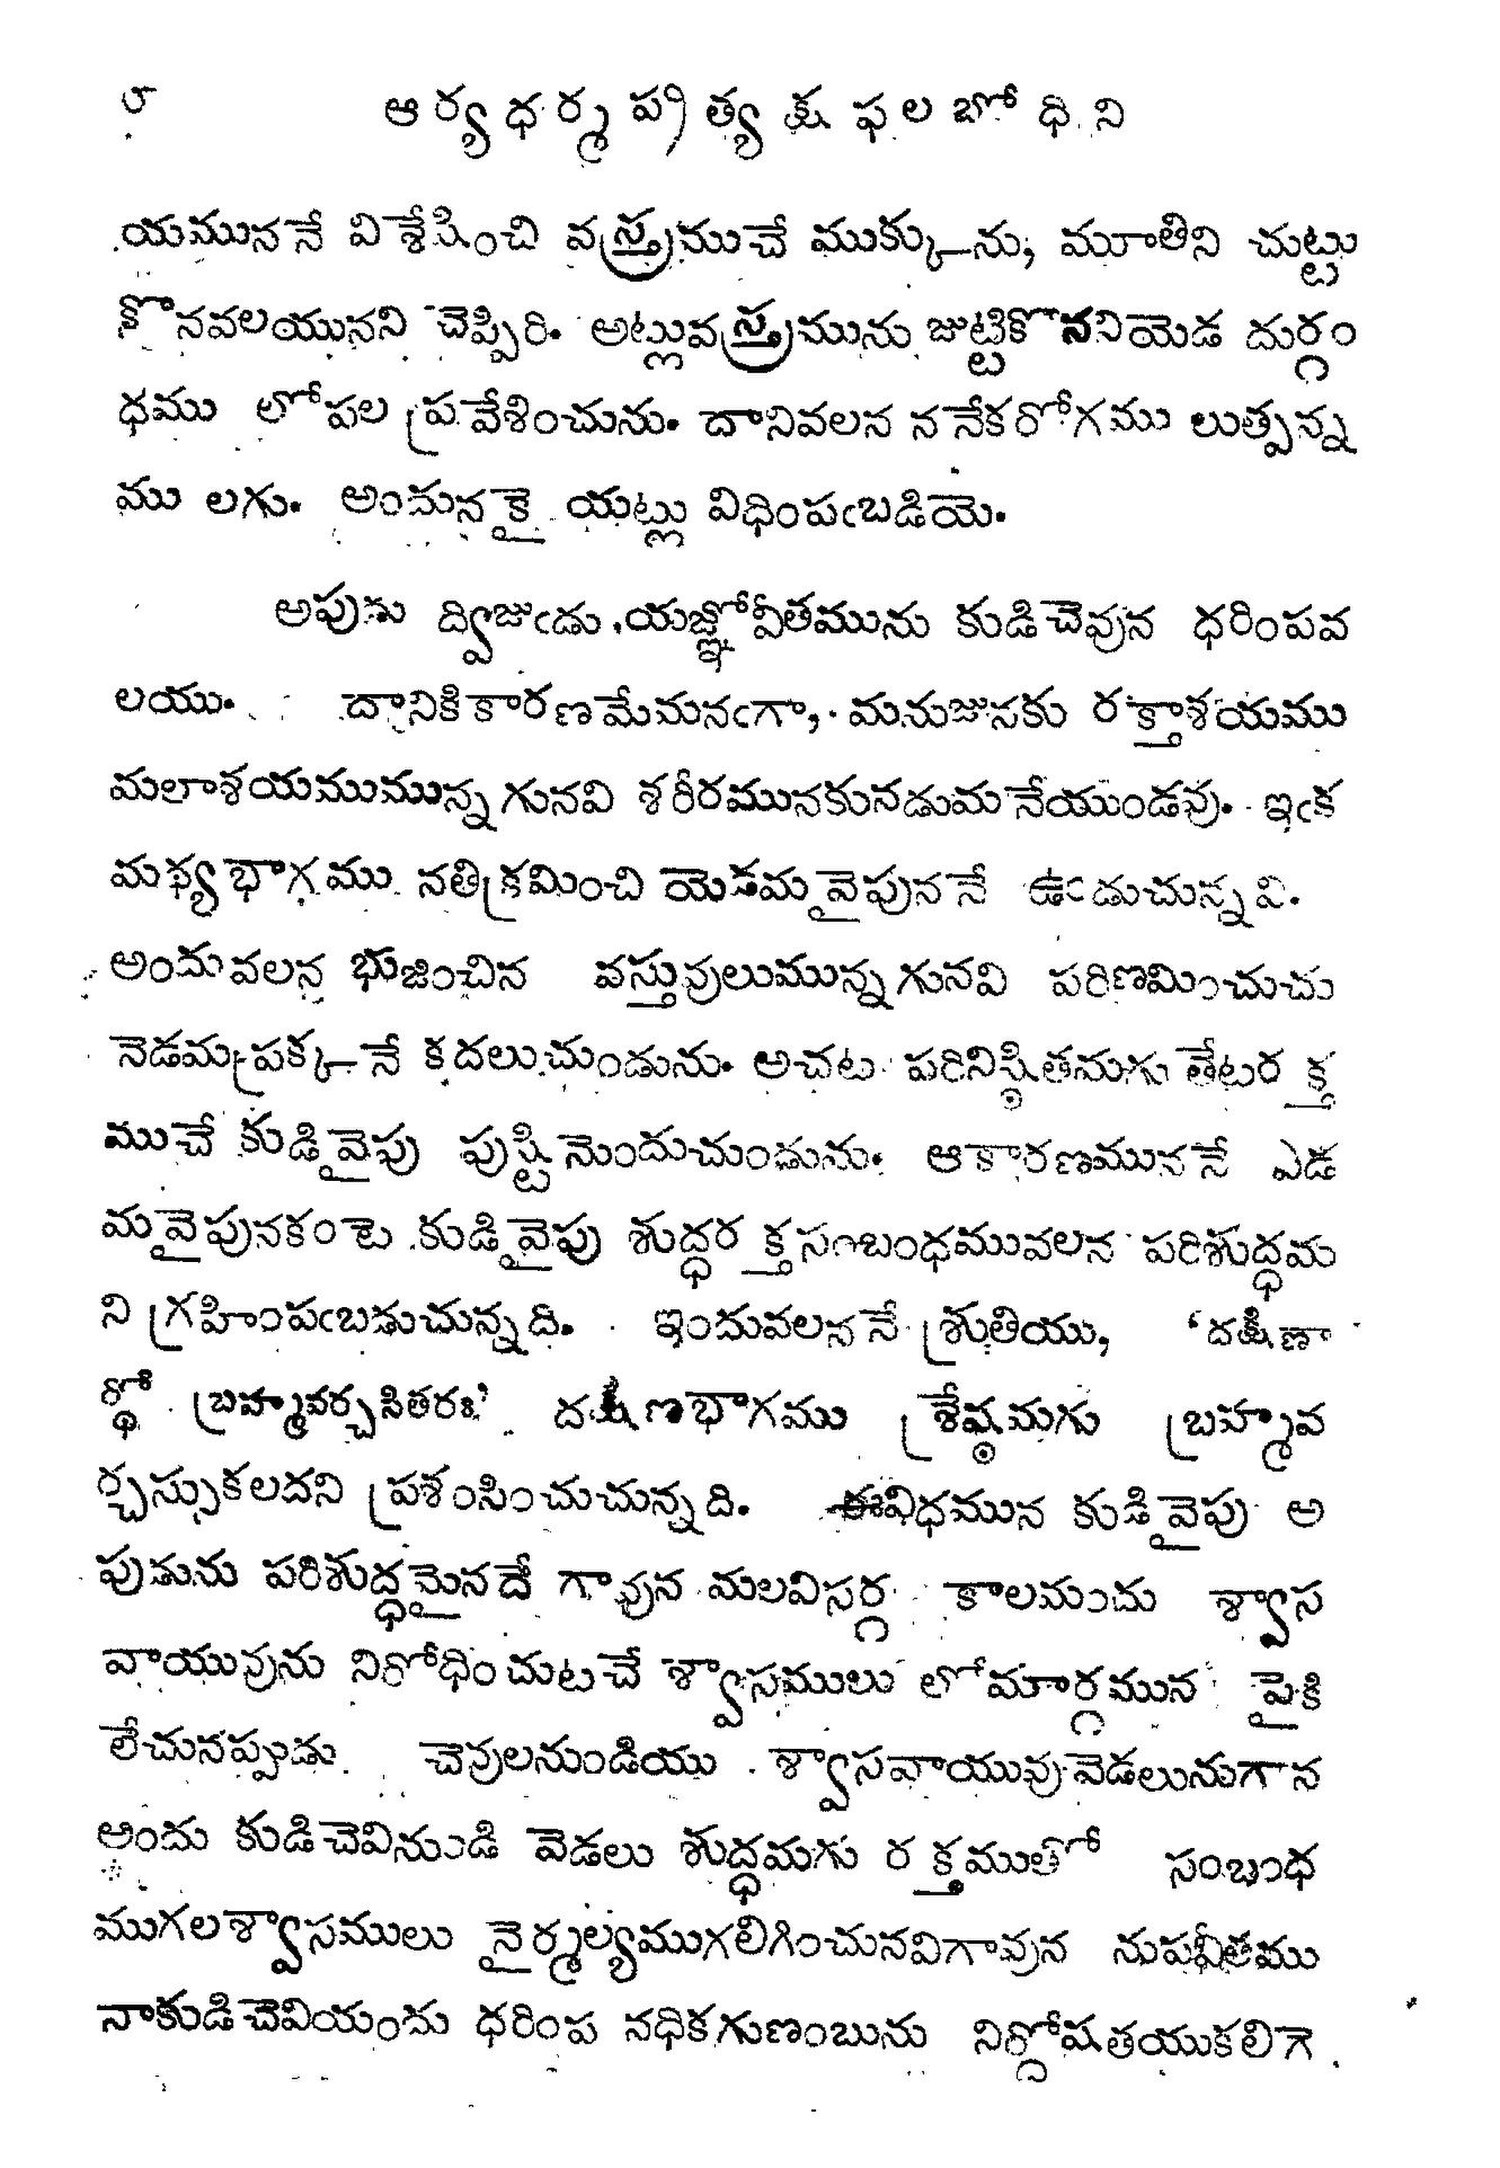యముననే విశేషించి వస్త్రముచే ముక్కును, మూతిని చుట్టుకొనవలయునని చెప్పిరి. అట్లువస్త్రమును జుట్టికొననియెడ దుర్గంధము లోపల ప్రవేశించును. దానివలన ననేకరోగము లుత్పన్నము లగు. అందునకై యట్లు విధింపఁబడియె.

అపుడు ద్విజుఁడు, యజ్ఞోపవీతమును కుడిచెవున ధరింపవలయు. దానికికారణమేమనఁగా, మనుజునకు రక్తాశయము మలాశయముమున్నగునవి శరీరమునకునడుమనేయుండవు. ఇఁక మధ్యభాగము నతిక్రమించి యెడమవైపుననే ఉండుచున్నవి. అందువలన భుజించిన వస్తువులుమున్నగునవి పరిణమించుచు
నెడమప్రక్కనే కదలుచుండును. అచట పరినిష్ఠితమగుతేటరక్తముచే కుడివైపు పుష్టినొందుచుండును. ఆకారణముననే ఎడమవైపునకంటె కుడివైపు శుద్ధరక్తసంబంధమువలన పరిశుద్ధమని గ్రహింపఁబడుచున్నది. ఇందువలననే శ్రుతియు, 'దక్షిణార్థో బ్రహ్మవర్చసితరః' దక్షిణభాగము శ్రేష్ఠమగు బ్రహ్మవర్చస్సుకలదని ప్రశంసించుచున్నది. ఈవిధమున కుడివైపు అపుడును పరిశుద్ధమైనదే గావున మలవిసర్గ కాలమందు శ్వాసవాయువును నిరోధించుటచే శ్వాసములు లోమార్గమున పైకిలేచునప్పుడు చెవులనుండియు శ్వాసవాయువువెడలునుగాన అందు కుడిచెవినుండి వెడలు శుద్ధమగు రక్తముతో సంబంధముగలశ్వాసములు నైర్మల్యముగలిగించునవిగావున నుపవీతము నాకుడిచెవియందు ధరింప నధికగుణంబును నిర్దోషతయుకలిగె